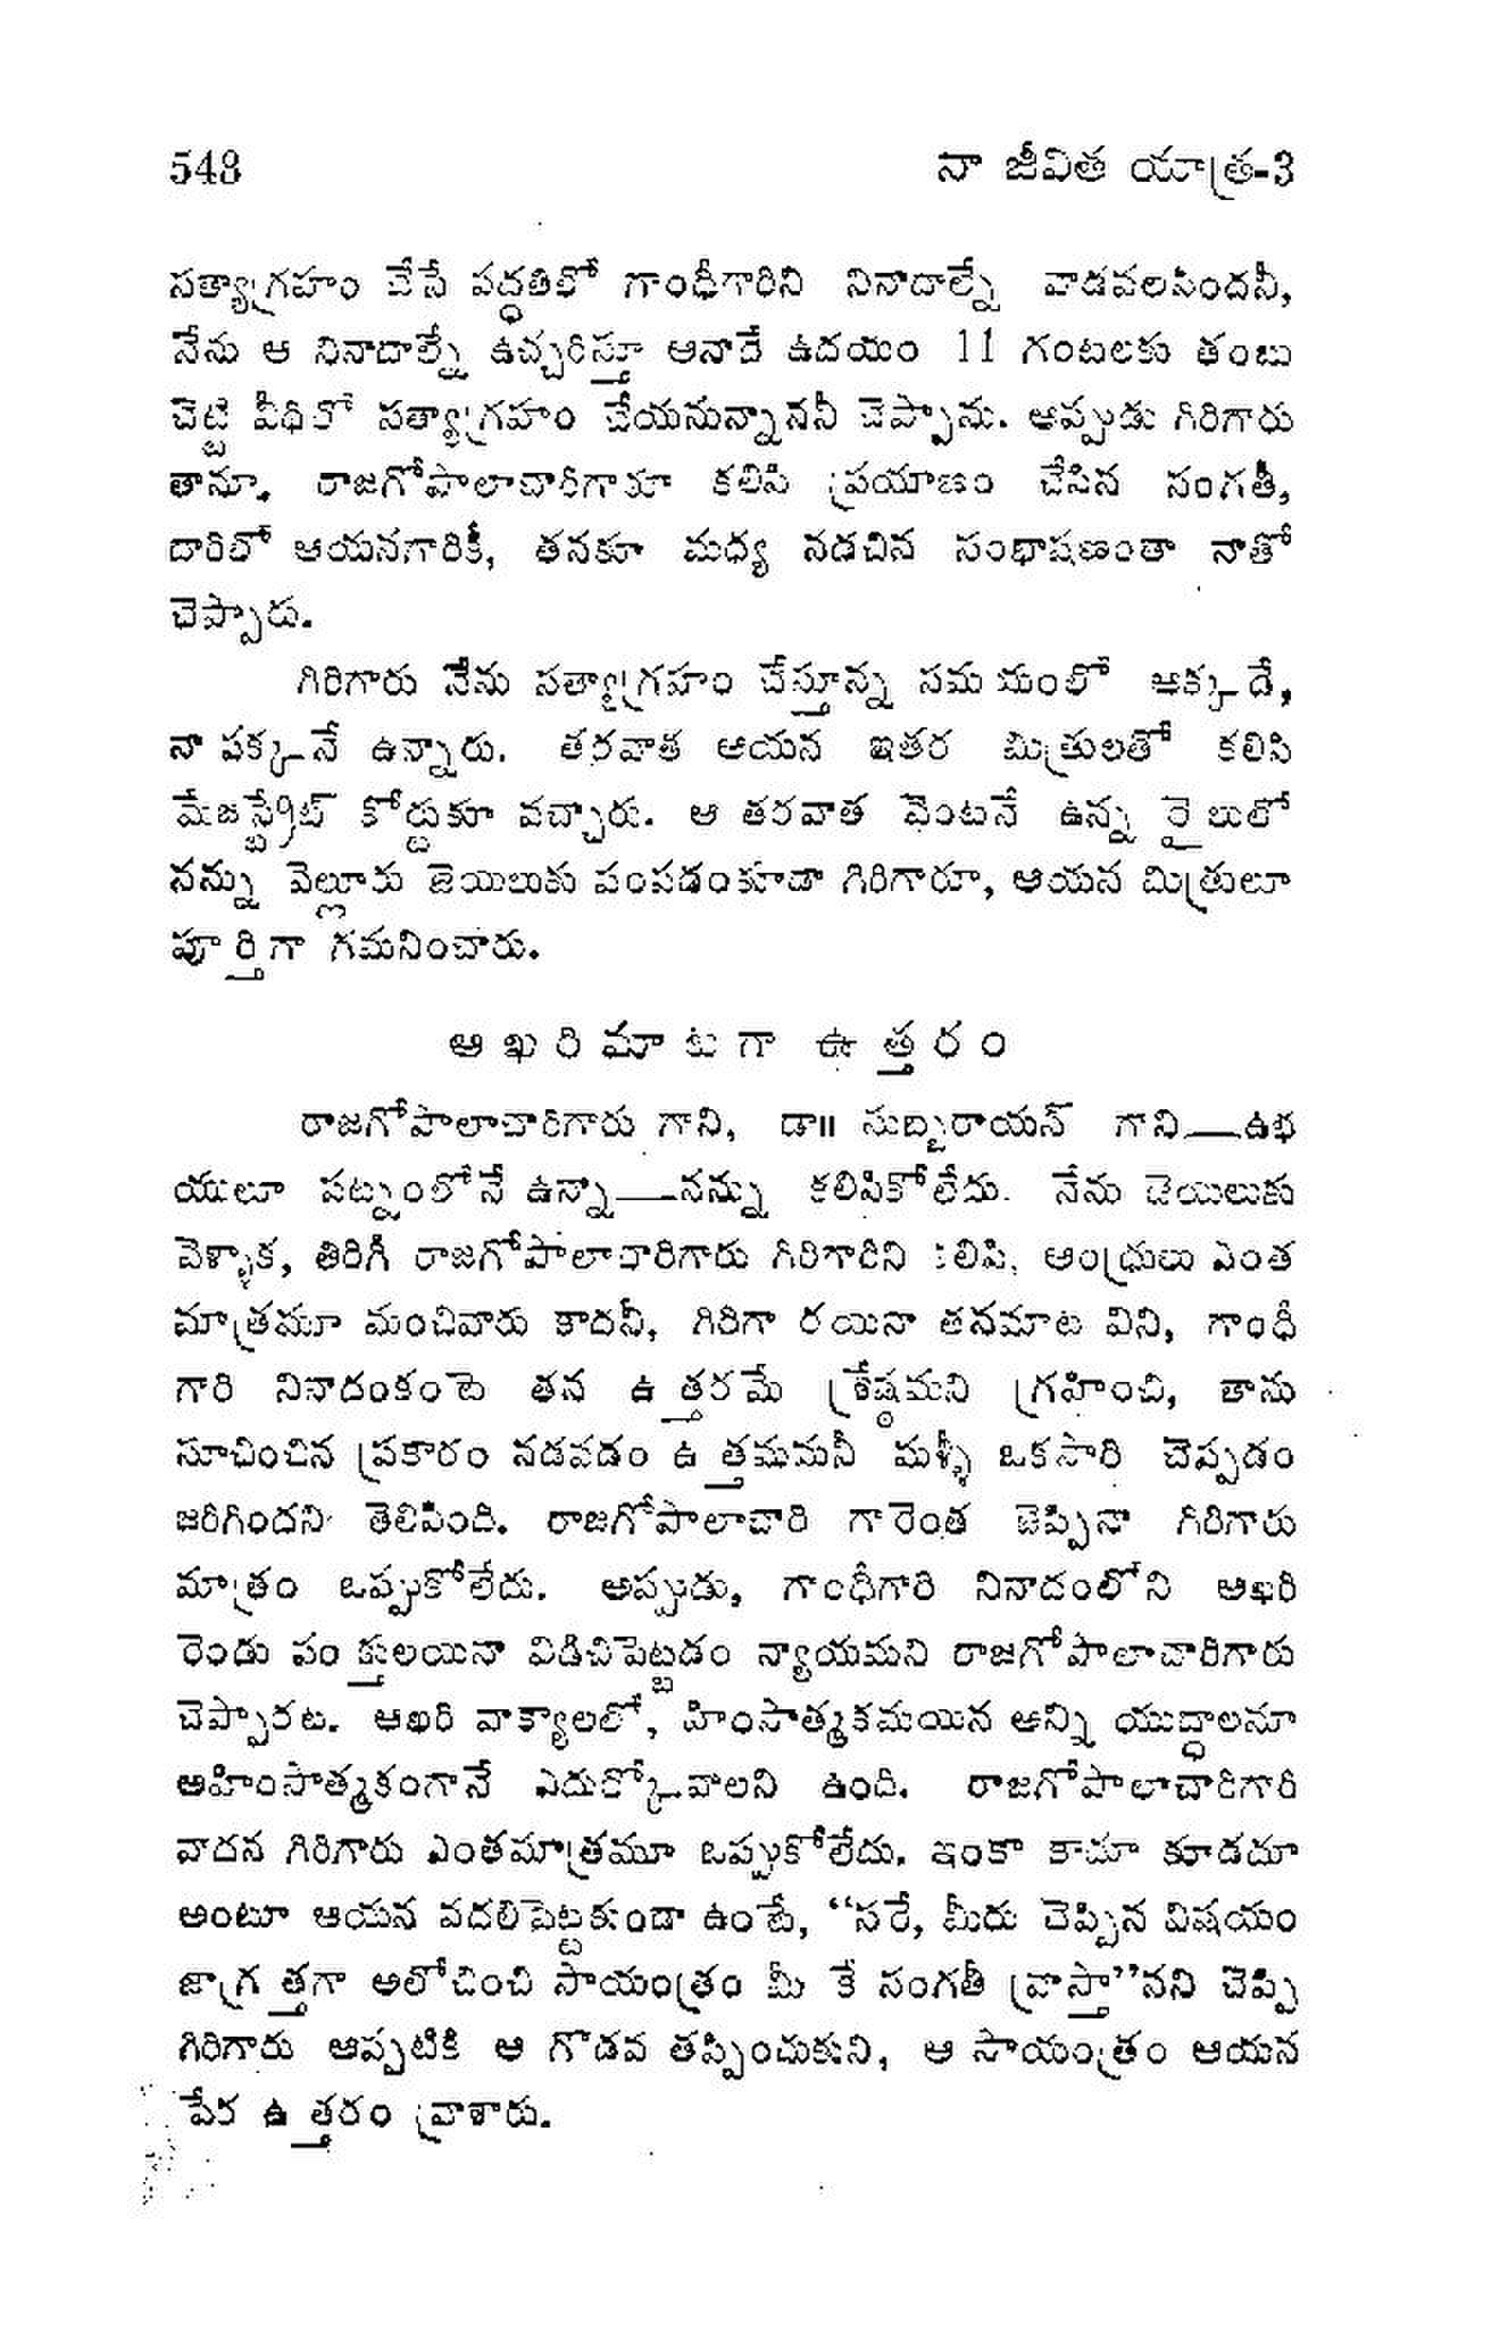సత్యాగ్రహం చేసే పద్ధతిలో గాంధీగారిని నినాదాల్నే వాడవలసిందనీ, నేను ఆ నినాదాల్నే ఉచ్చరిస్తూ ఆనాడే ఉదయం 11 గంటలకు తంబుచెట్టి వీధిలో సత్యాగ్రహం చేయనున్నాననీ చెప్పాను. అప్పుడు గిరిగారు తానూ, రాజగోపాలాచారిగారూ కలిసి ప్రయాణం చేసిన సంగతీ, దారిలో ఆయనగారికీ, తనకూ మధ్య నడచిన సంభాషణంతా నాతో చెప్పారు.

గిరిగారు నేను సత్యాగ్రహం చేస్తూన్న సమయంలో అక్కడే, నా పక్కనే ఉన్నారు. తరవాత ఆయన ఇతర మిత్రులతో కలిసి మేజస్ట్రేట్ కోర్టుకూ వచ్చారు. ఆ తరవాత వెంటనే ఉన్న రైలులో నన్ను వెల్లూరు జెయిలుకు పంపడం కూడా గిరిగారూ, ఆయన మిత్రులూ పూర్తిగా గమనించారు.

రాజగోపాలాచారిగారు గాని, డా॥ సుబ్బరాయన్ గాని - ఉభయులూ పట్నంలోనే ఉన్నా - నన్ను కలిసికోలేదు. నేను జెయిలుకు వెళ్ళాక, తిరిగీ రాజగోపాలాచారిగారు గిరిగారిని కలిసి, ఆంధ్రులు ఎంత మాత్రమూ మంచివారు కాదనీ, గిరిగా రయినా తనమాట విని, గాంధీగారి నినాదం కంటె తన ఉత్తరమే శ్రేష్ఠమని గ్రహించి, తాను సూచించిన ప్రకారం నడవడం ఉత్తమ మనీ మళ్ళీ ఒకసారి చెప్పడం జరిగిందని తెలిసింది. రాజగోపాలాచారి గారెంత జెప్పినా గిరిగారు మాత్రం ఒప్పుకోలేదు. అప్పుడు, గాంధీగారి నినాదంలోని ఆఖరి రెండు పంక్తులయినా విడిచిపెట్టడం న్యాయమని రాజగోపాలాచారి గారు చెప్పారట. ఆఖరి వాక్యాలలో, హింసాత్మకమయిన అన్ని యుద్ధాలనూ అహింసాత్మకంగానే ఎదుర్కోవాలని ఉంది. రాజగోపాలాచారి గారి వాదన గిరిగారు ఎంతమాత్రమూ ఒప్పుకోలేదు. ఇంకా కాదూ కూడదూ అంటూ ఆయన వదలిపెట్టకుండా ఉంటే, "సరే, మీరు చెప్పిన విషయం జాగ్రత్తగా ఆలోచించి సాయంత్రం మీ కే సంగతి వ్రాస్తా"నని చెప్పి గిరిగారు అప్పటికి ఆ గొడవ తప్పించుకుని, ఆ సాయంత్రం ఆయన పేర ఉత్తరం వ్రాశారు.